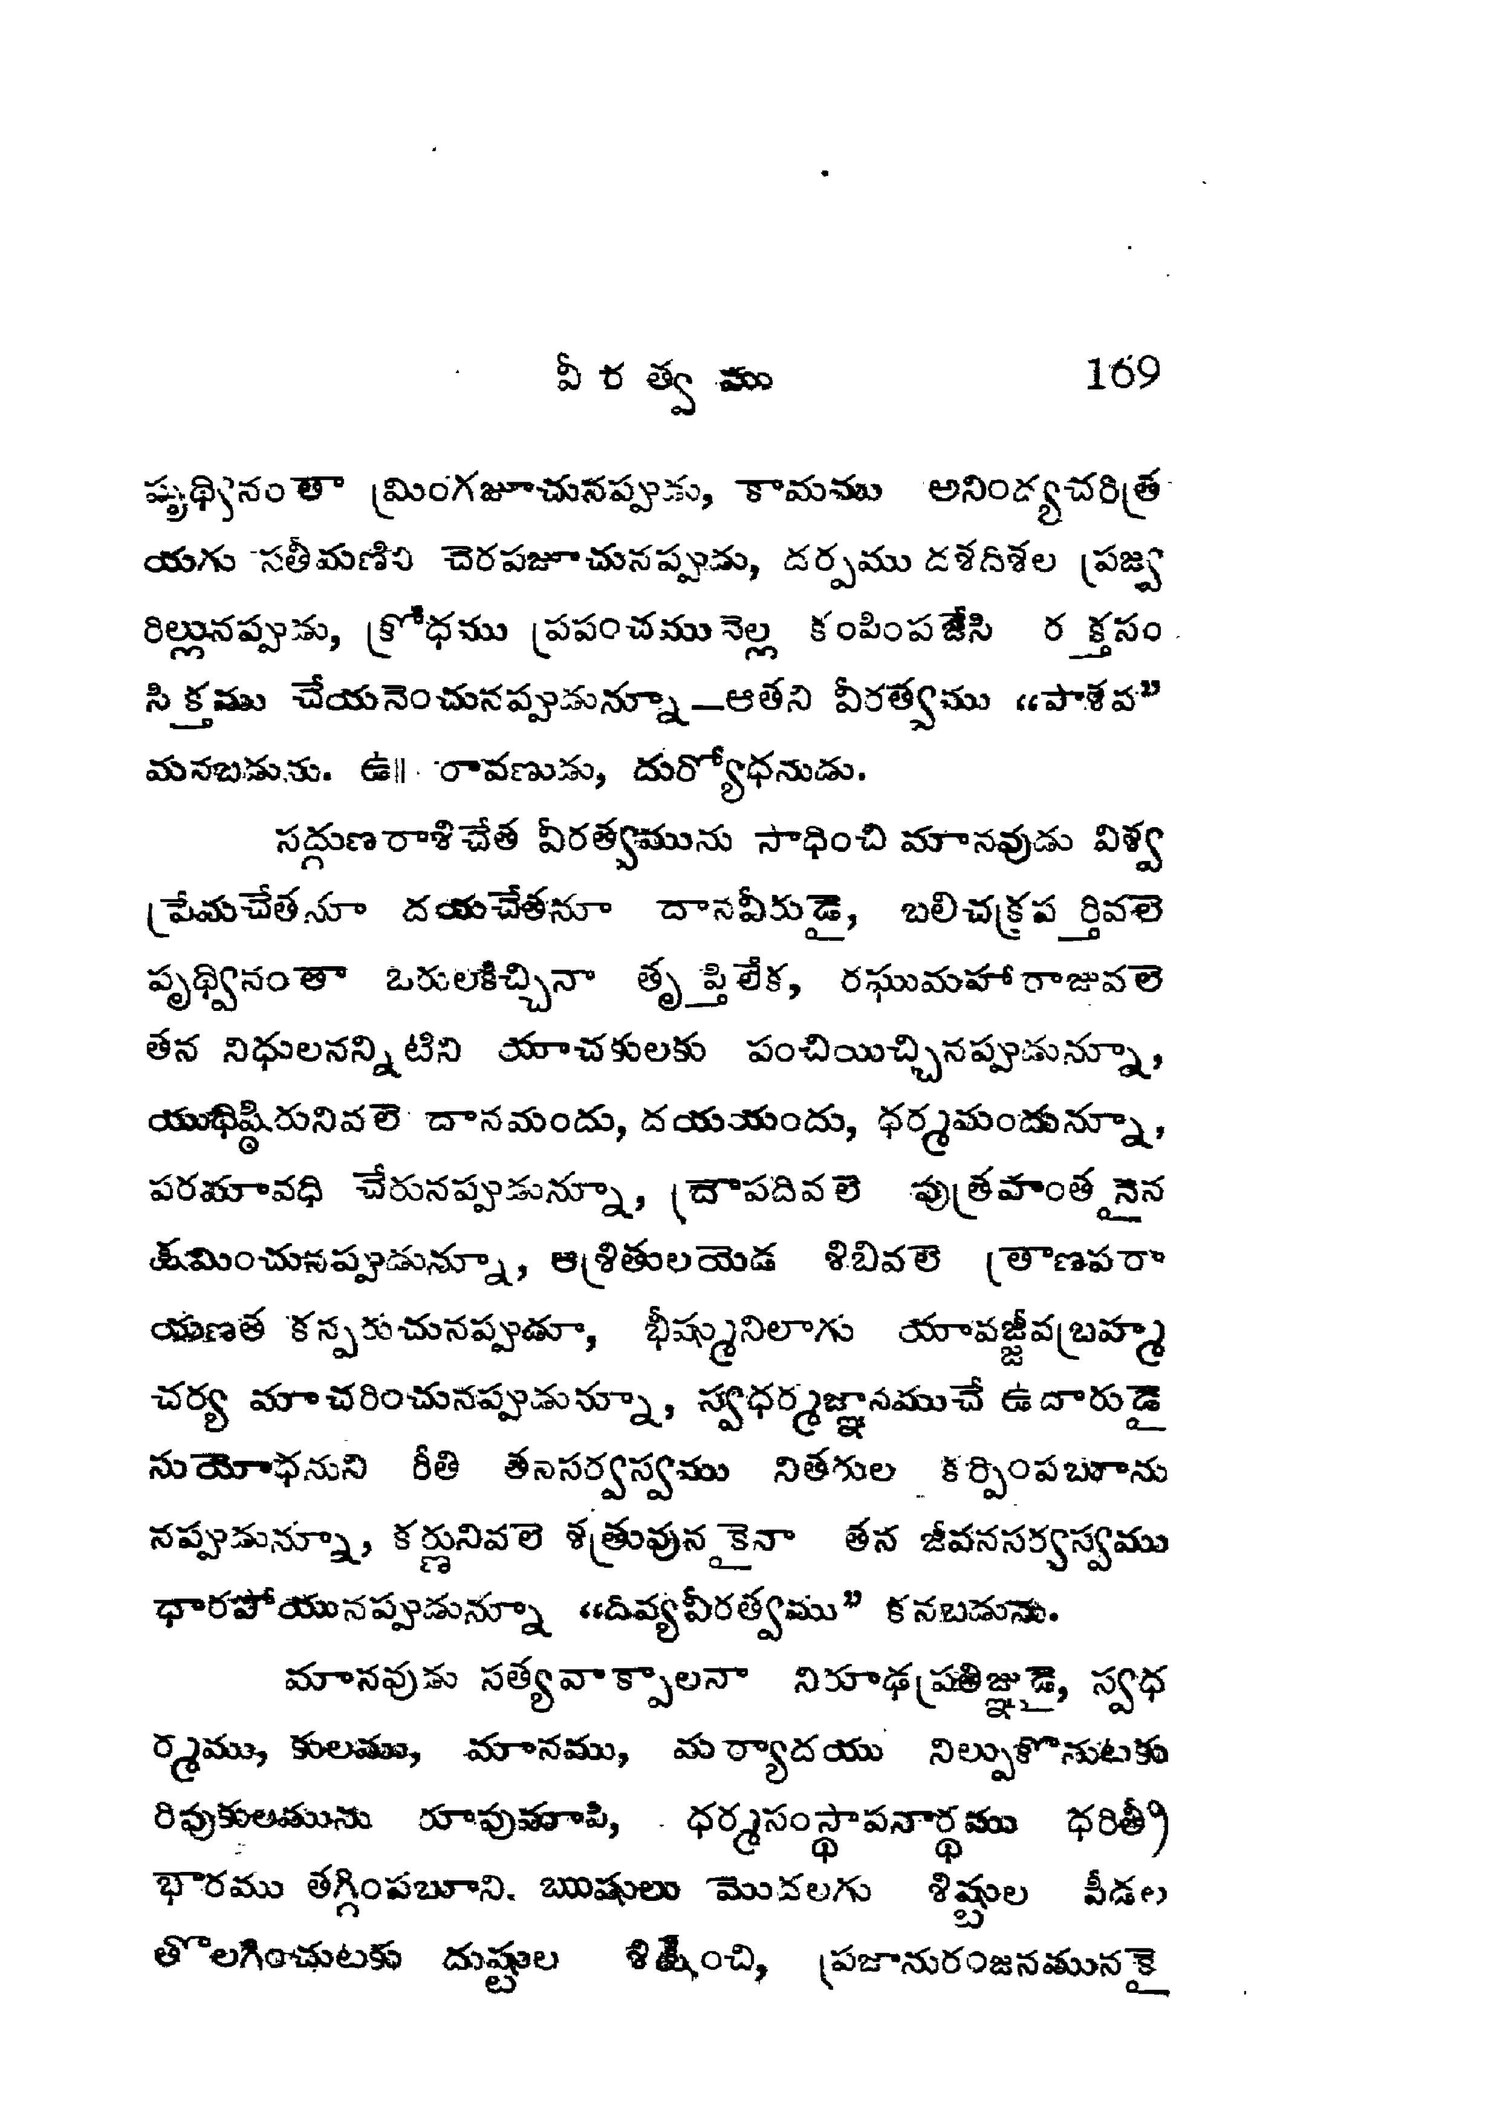పృథ్వినంతా మ్రింగజూచునప్పుడు, కామము అనింద్యచరిత్ర యగు సతీమణిని చెరపజూచునప్పుడు, దర్పము దశదిశల ప్రజ్వరిల్లునప్పుడు, క్రోధము ప్రపంచమునెల్ల కంపింపజేసి రక్తసంసిక్తము చేయనెంచునప్పుడున్నూ - ఆతని వీరత్వము "పాశవ" మనబడును. ఉ|| రావణుడు, దుర్యోధనుడు.

సద్గుణరాశిచేత వీరత్వమును సాధించి మానవుడు విశ్వప్రేమచేతనూ దయచేతనూ దానవీరుడై, బలిచక్రవర్తివలె పృథ్వినంతా ఒరులకిచ్చినా తృప్తిలేక, రఘుమహారాజువలె తన నిధులనన్నిటిని యాచకులకు పంచియిచ్చినప్పుడున్నూ, యుధిష్ఠిరునివలె దానమందు, దయయందు, ధర్మమందున్నూ, పరమావధి చేరునప్పుడున్నూ, ద్రౌపదివలె పుత్రహంతనైన క్షమించునప్పుడున్నూ, ఆశ్రితులయెడ శిబివలె త్రాణపరాయణత కన్పరుచునప్పుడూ, భీష్మునిలాగు యావజ్జీవబ్రహ్మచర్య మాచరించునప్పుడున్నూ, స్వధర్మజ్ఞానముచే ఉదారుడై సుయోధనుని రీతి తనసర్వస్వము నితరుల కర్పింపబూనునప్పుడున్నూ, కర్ణునివలె శత్రువునకైనా తన జీవనసర్వస్వము ధారపోయునప్పుడున్నూ "దివ్యవీరత్వము" కనబడును.

మానవుడు సత్యవాక్పాలనా నిరూఢప్రతిజ్ఞుడై, స్వధర్మము, కులము, మానము, మర్యాదయు నిల్పుకొనుటకు రిపుకులమును రూపుమాపి, ధర్మసంస్థాపనార్థము ధరిత్రీ భారము తగ్గింపబూని, ఋషులు మొదలగు శిష్టుల పీడల తొలగించుటకు దుష్టుల శిక్షించి, ప్రజానురంజనమునకై